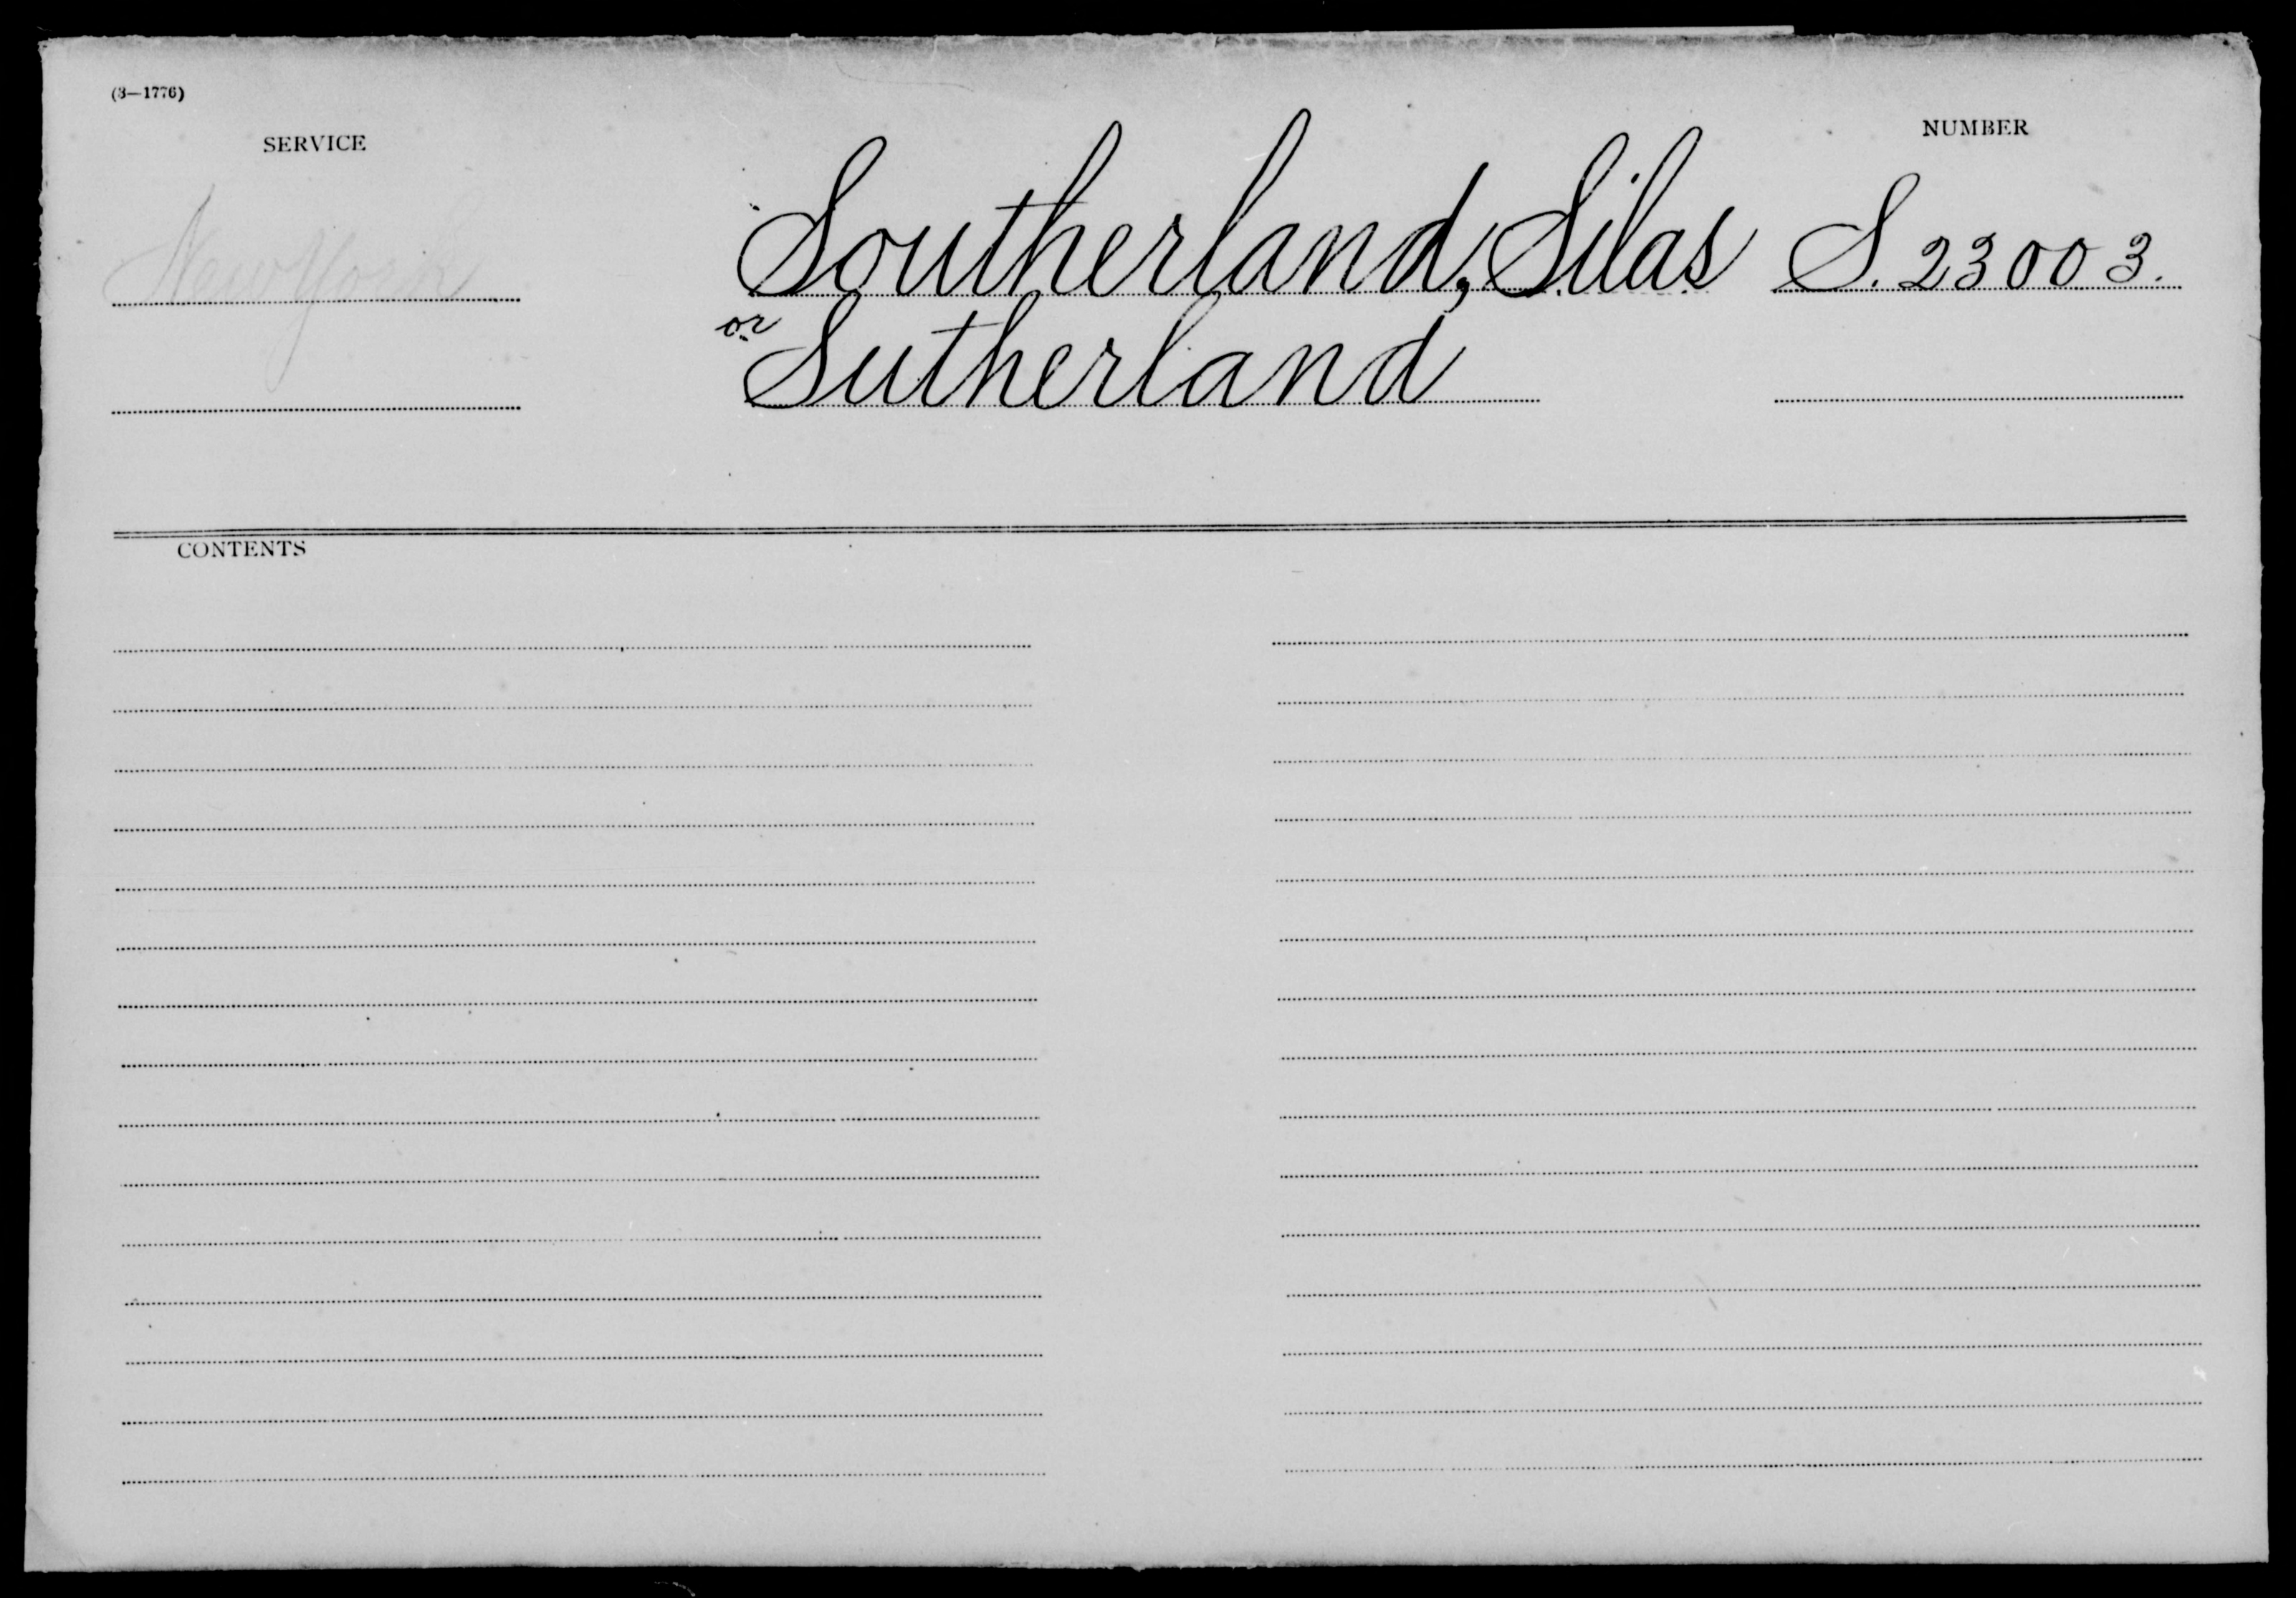Service
New York

Southerland, Silas     
or Sutherland
Number
S23003

Contents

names: Silas Sutherland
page: 1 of 77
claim: survivor's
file: S. 23003, for Silas Southerland, New York